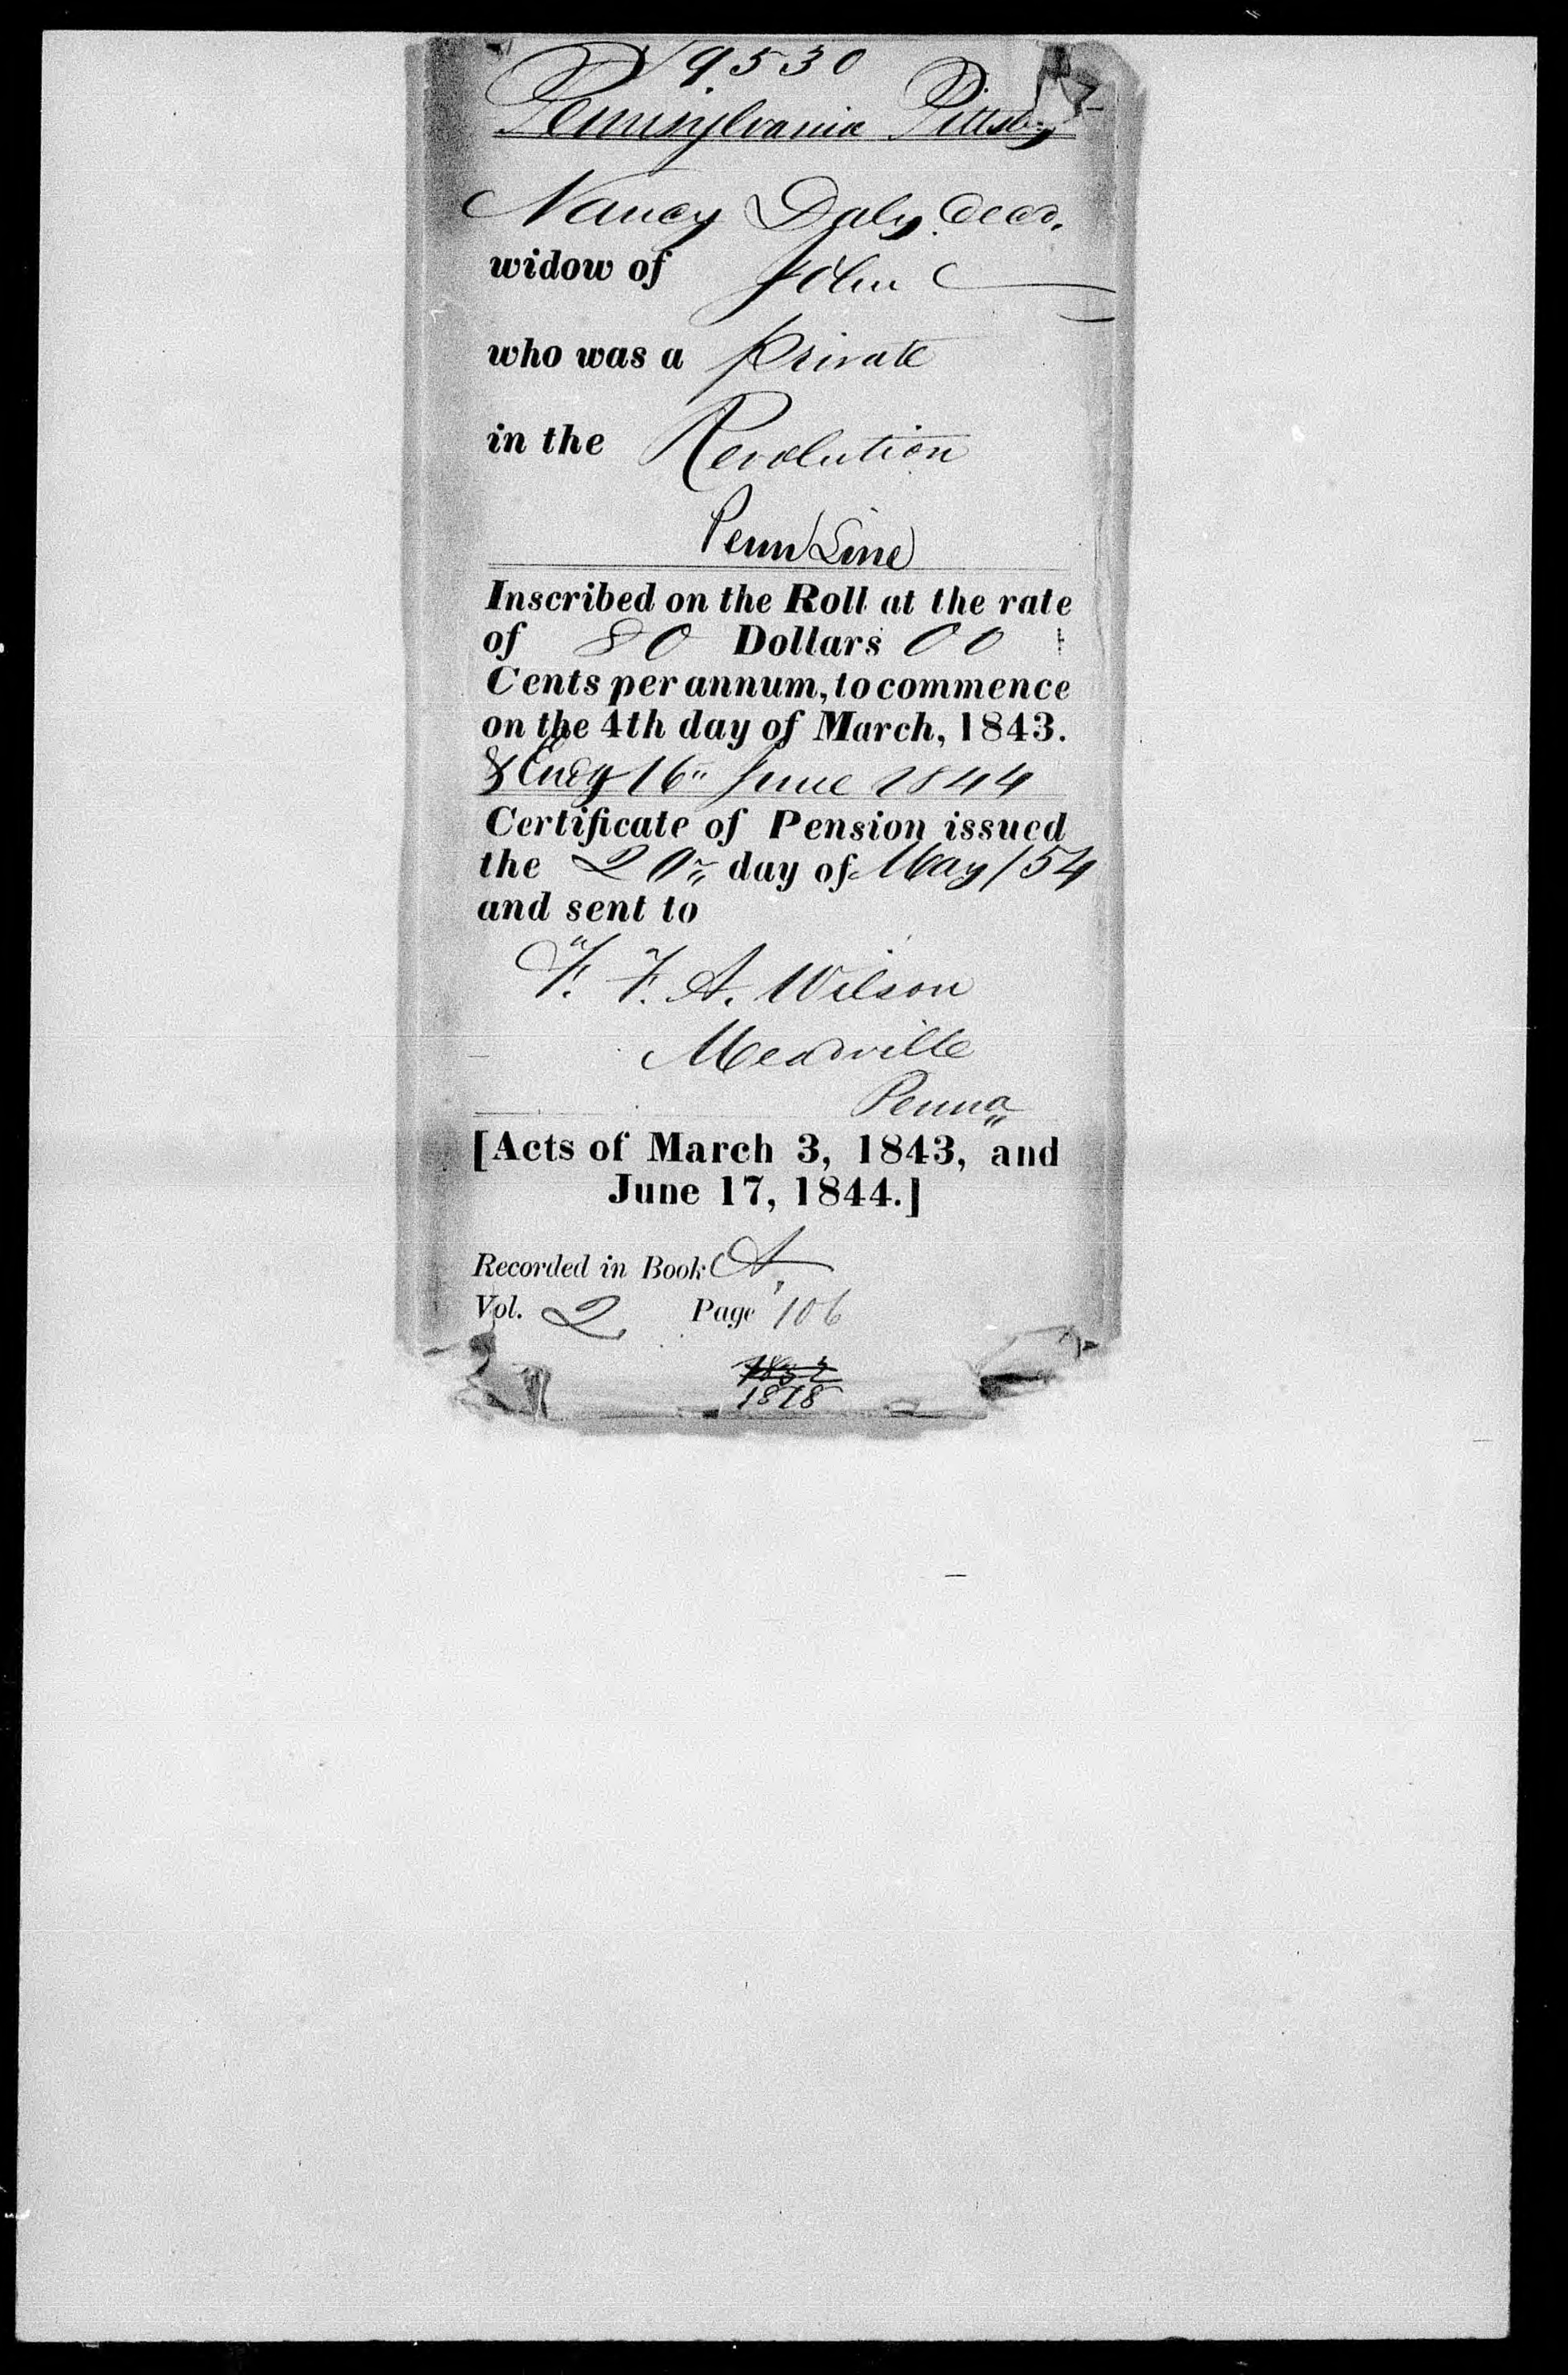9530
Pennsylvania Pittsburg
Nancy Daly Deed
widow of
John C
who was a private
in the Revolution
Penn Line
___________________________
Inscribed on the Roll at the rate
of 80 Dollars 00 
Cents per annum, to commence
on the 4th day of March, 1843.
& Endg Judy 16" June 1844
Certificate of Pension issued 
the 20th day of May /54
and sent to
F. F. A. Wilson
Vol. 2
Meadville
Penna
[Acts of March 3, 1843, and
June 17, 1844.]
Record in Book A
Vol. 2  Page 106
[1832 - Lined Thru]
1828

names: John Daly, Nancy Daly, F F A Wilson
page: 10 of 63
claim: widow's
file: W. 3228, John Daly, Penn.